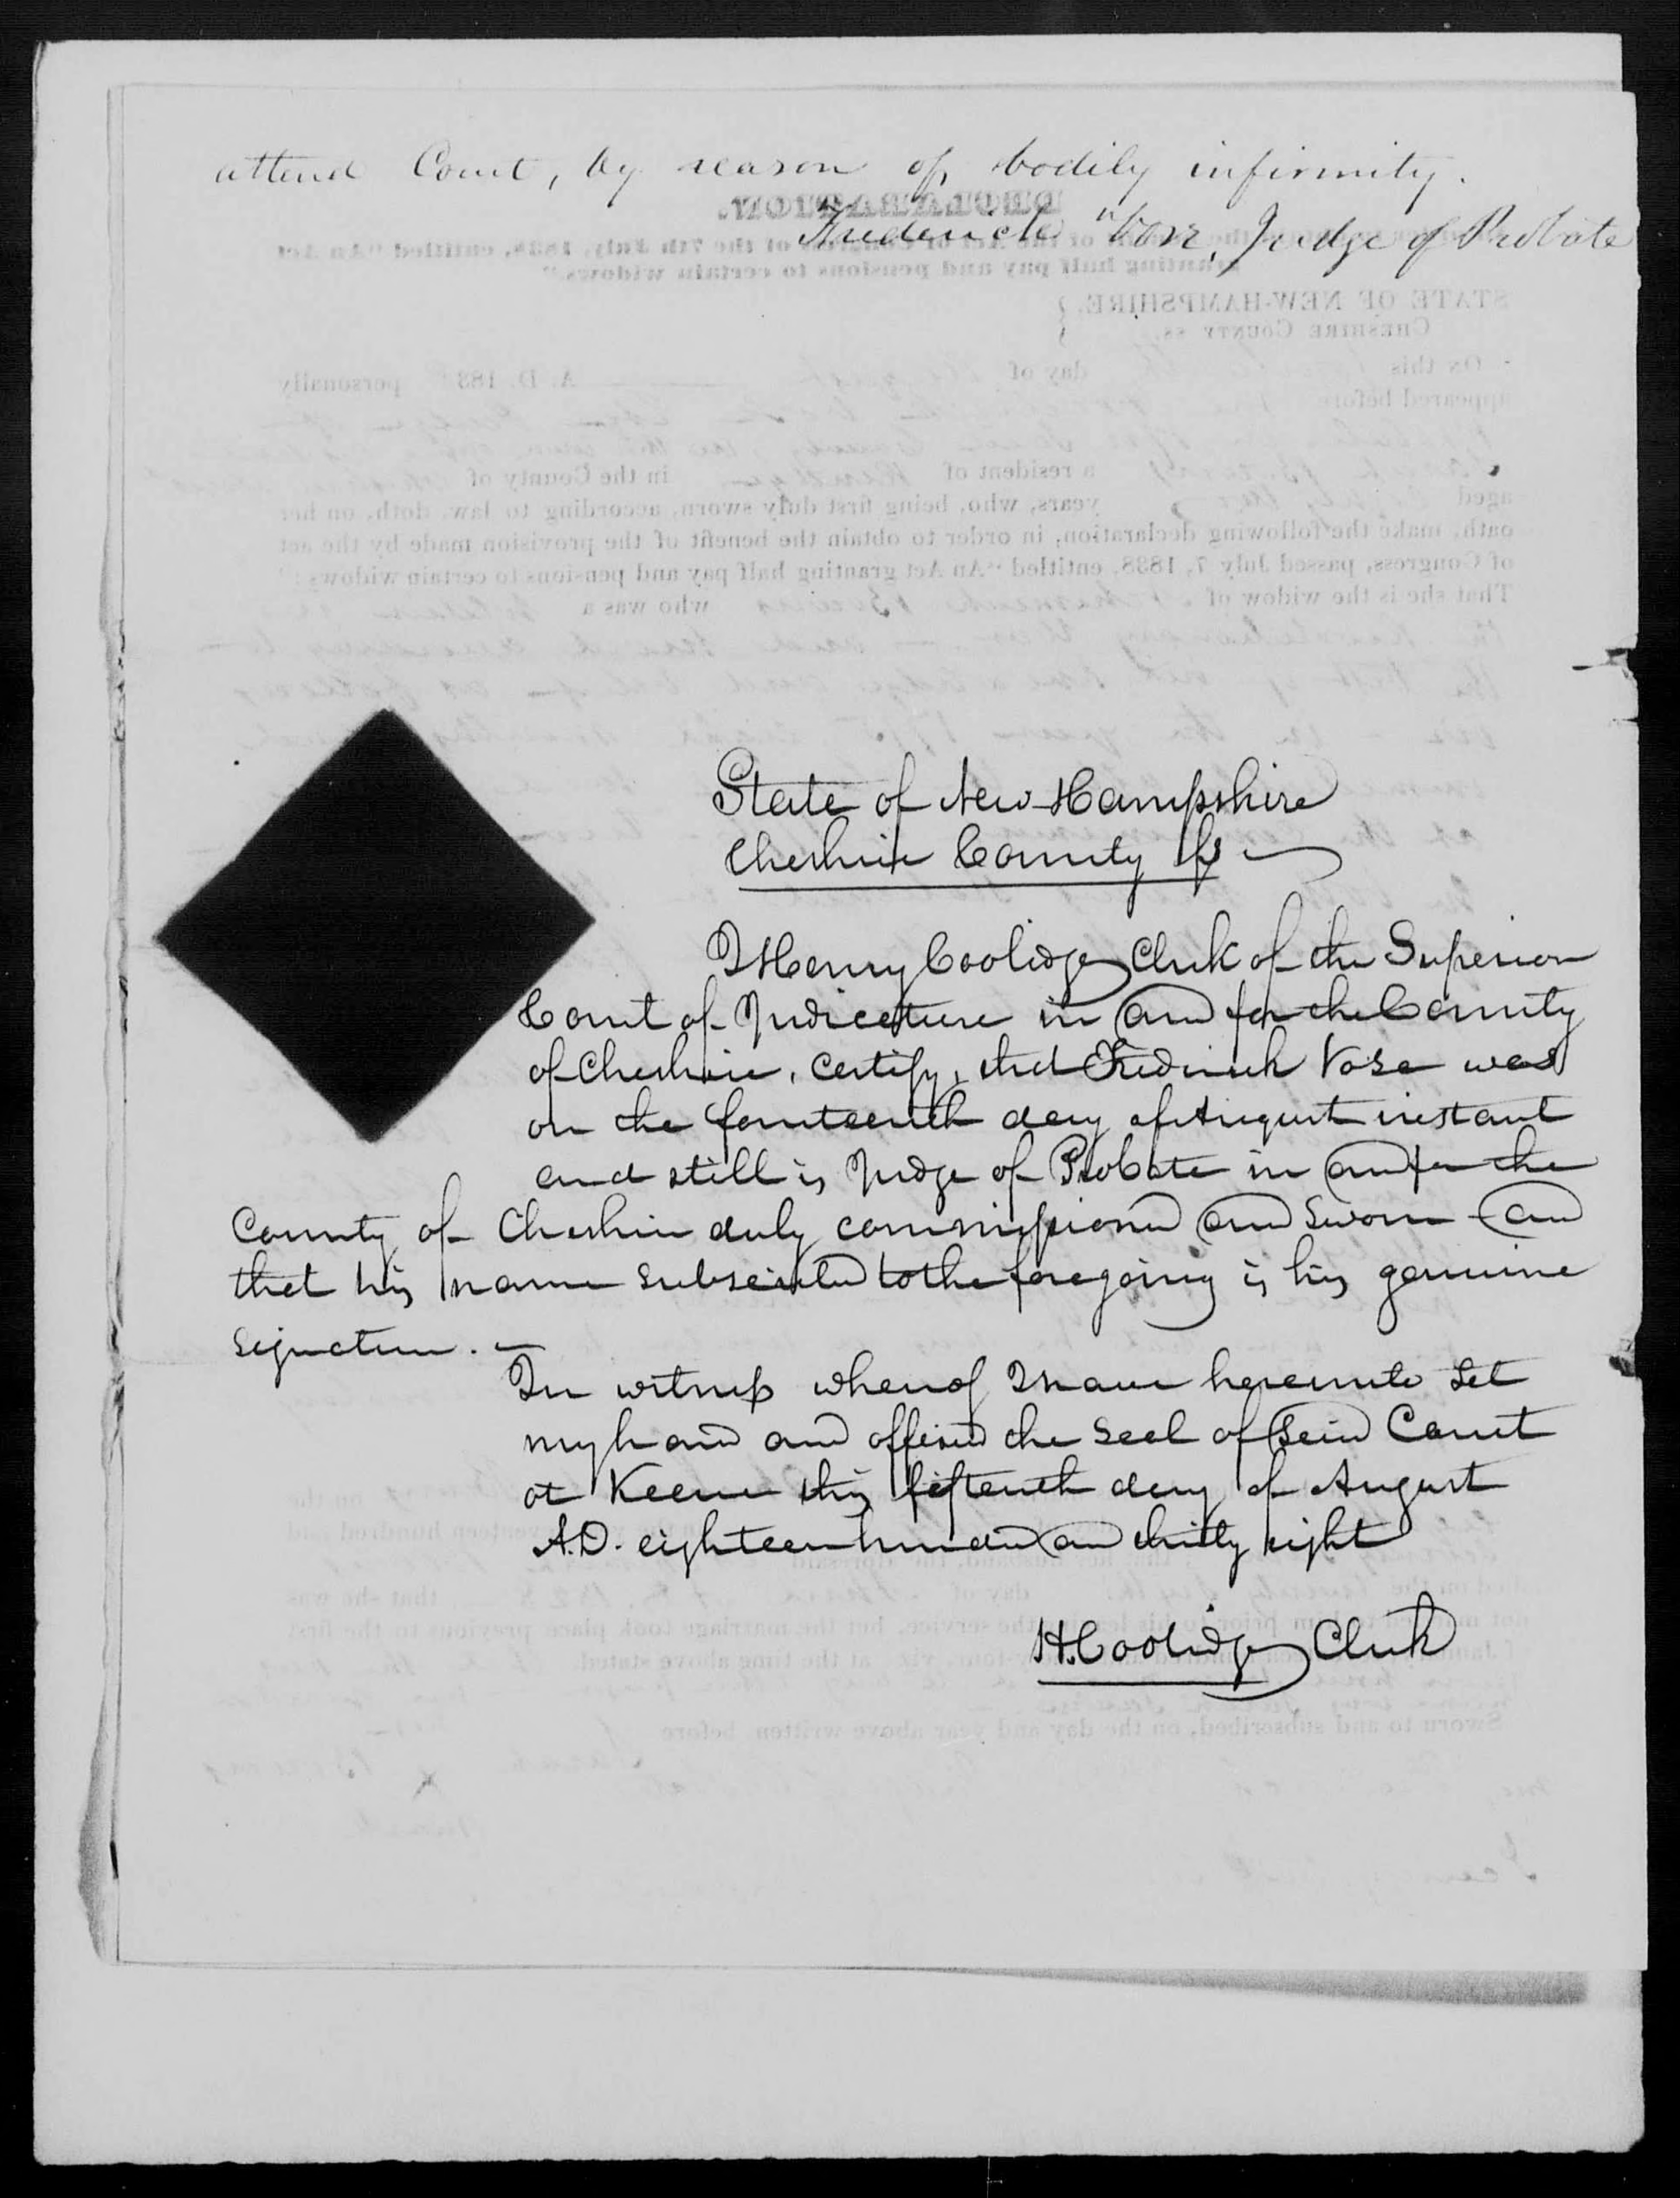attend Court, by reason of bodily infirmity.
Frederick Vose, Judge of Probate

State of New-Hampshire
Cheshire County ss
I Hendry Coolidge Clerk of the Superior Court of Judicature in and for the County of Cheshire, Certify that Frederick Vose was on the fourteenth day of August instant and still is Judge of Probate in and for the County of Cheshire duly commissioned and sworn - and that his name subscribed to the foregoing is his genuine signature. --
In witness whereof I have hereunto set my hand and affixed the Seal of Said Court at Keene this fifteenth day of August A.D. eighteen hundred and thirty eight
H. Coolidge Clerk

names: H Coolidge, Henry Coolidge, Frederick Vose, Frederick Vose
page: 6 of 42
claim: widow's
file: W. 23,652, Nehemiah Bowers, Mass.